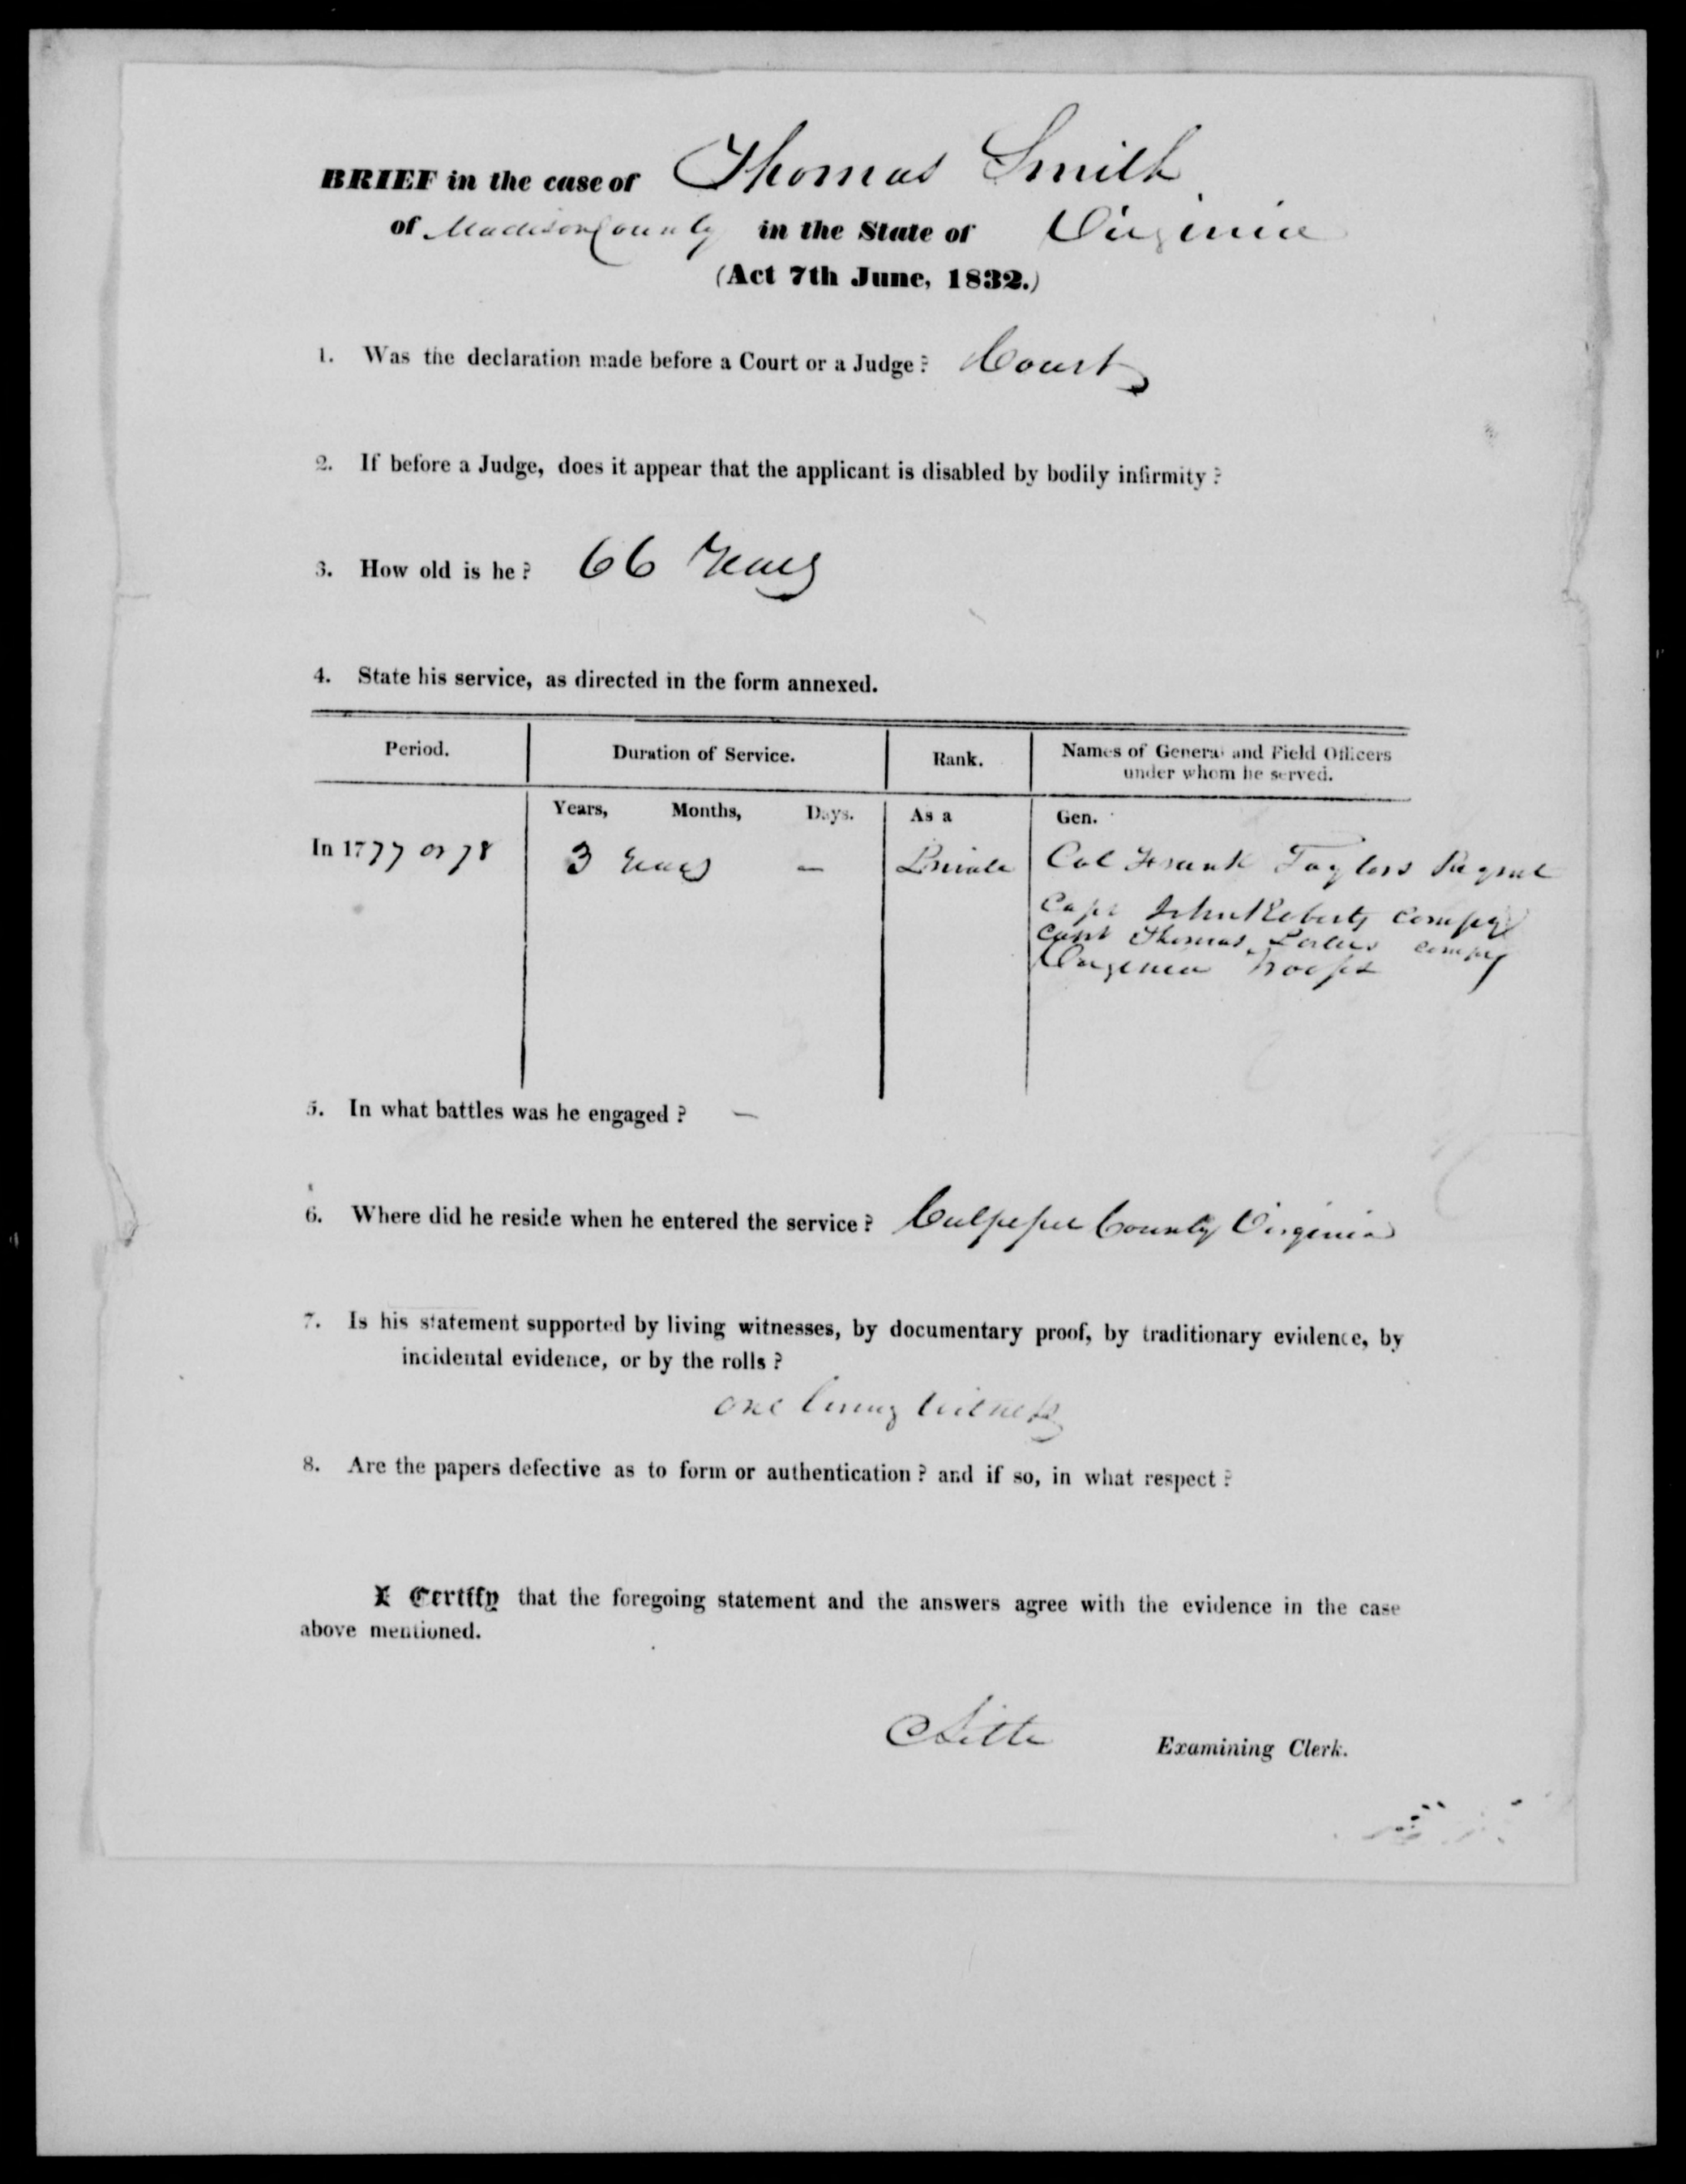Brief in the case of Thomas Smith of Madison County in the State of Virginia (Act 7th June, 1832.) 1. Was the declaration made before a Court or a Judge? Court 2. If before a Judge, does it appear that the applicant is disabled by bodily infirmity? 3. How old is he? 66 years 4. State his service, as directed in the form annexed. Period. In 1777 or 78. Duration of Service. Years 3 Months Days. Rank. As a Private. Names of General and Field Officers under whom he served.   Col Frank Taylor Regmt, Capt John Roberts Company, Capt Thomas Porters compy , Virginia Troops
5. In what battles was he engaged? - 6. Where did he reside when he entered the service? Culpeper County Virginia 7. Is his statement supported by living witnesses, by documentary proof, by traditionary evidence, by incidental evidence, or by the rolls? one living witness 8. Are the papers defective as to form or authentication? and if so, in what respect? Certify that the foregoing statement and the answers agree with the evidence in the case above mentioned. Smith Examining Clerk.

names: Frank Taylors; John Roberts; Thomas Porters; Thomas Smith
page: 7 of 23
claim: survivor's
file: S. 6,125, for Thomas Smith, Virginia